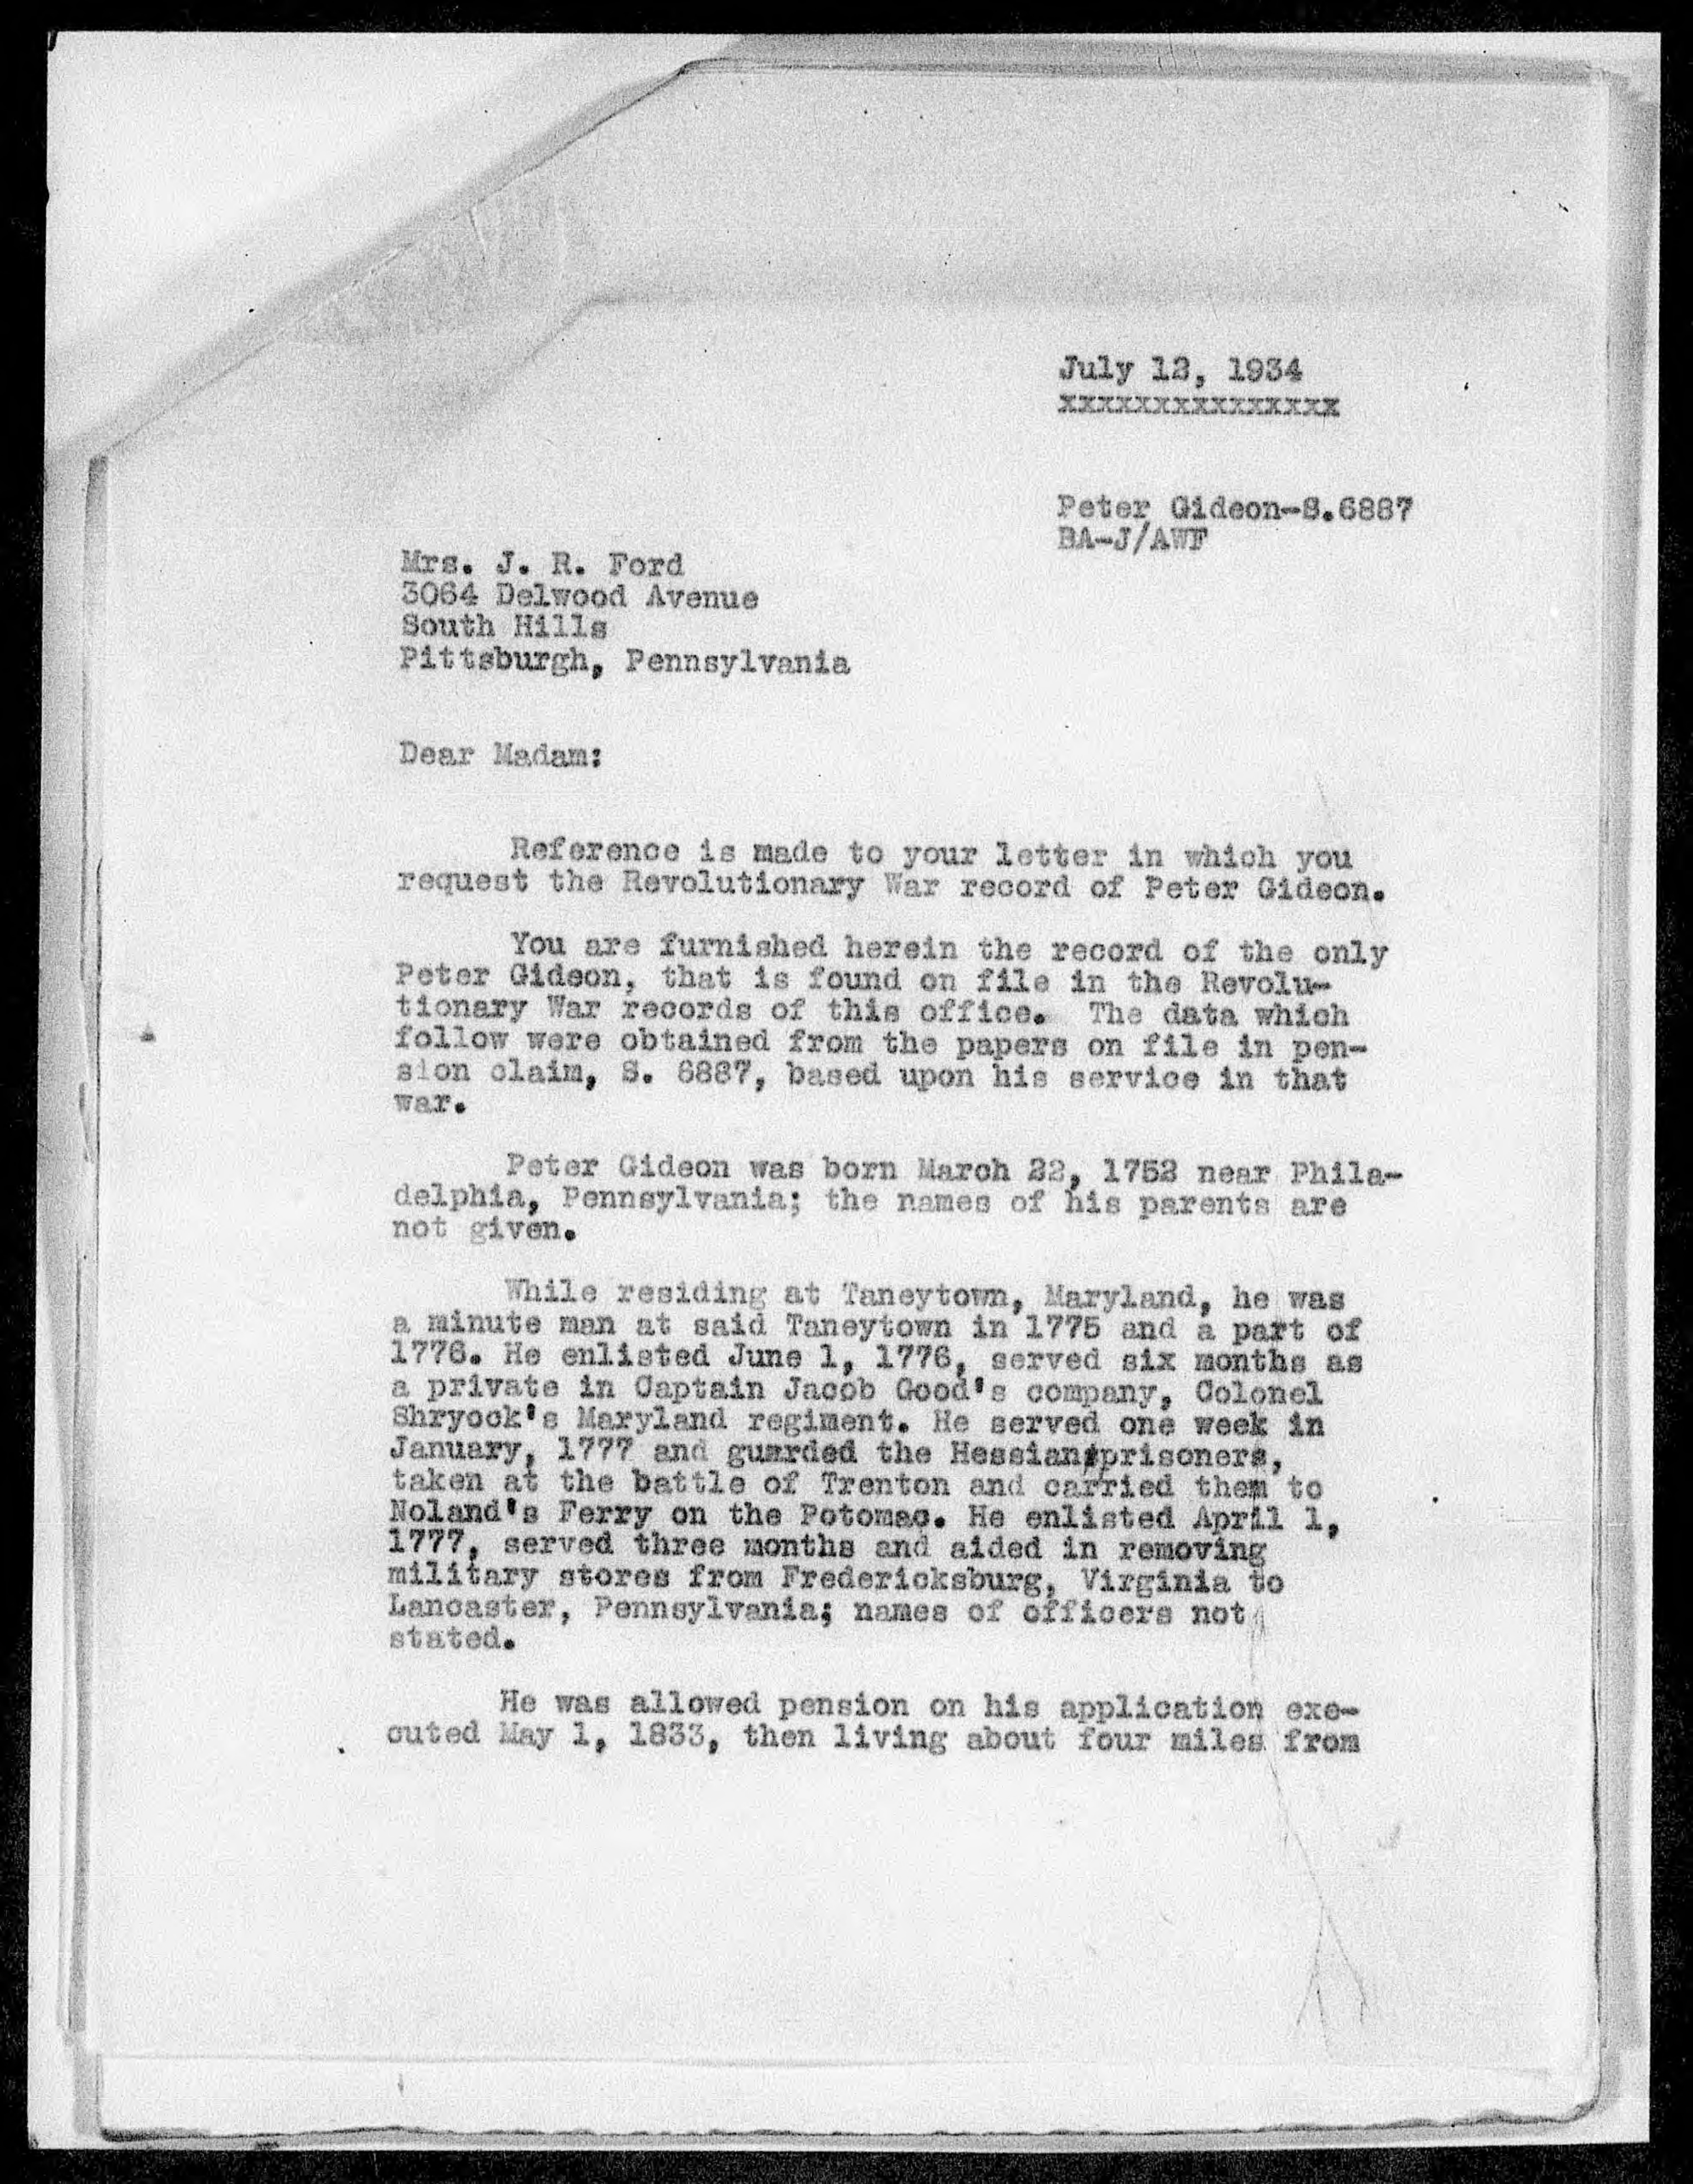July 12, 1934
XXXXXXXXXXXXXXX
Peter Gideon-S.6887
BA-J/AWF



Mrs. J. R. Ford
3064 Delwood Avenue
South Hills
Pittsburgh, Pennsylvania

Dear Madam:

Reference is made to your letter in which you
request the Revolutionary War record of Peter Gideon.
You are furnished herein the record of the only
Peter Gideon, that is found on file in the Revolutionary War records of this office. The data which follow were obtained from the papers on file in pension claim, S. 6887, based upon his service in that war.

Peter Gideon was born March 22, 1752 near Philadelphia, Pennsylvania; the names of his parents are not given.

While residing at Taneytown, Maryland, he was a minute man at said Taneytown in 1775 and a part of 1776. He enlisted June 1, 1776, served six months as a private in Captain Jacob Good's company, Colonel Shryock's Maryland regiment. He served one week in January, 1777 and guarded the Hessian prisoners, taken at the battle of Trenton and carried them to
Noland's Ferry on the Potomac. He enlisted April 1, 1777, served three months and aided in removing military stores from Fredericksburg, Virginia to Lancaster, Pennsylvania; names of officers not stated.
He was allowed pension on his application executed May 1, 1833, then living about four miles from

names: Peter Gideon, Peter Gideon, Peter Gideon, J R Ford, Peter Gideon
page: 58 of 64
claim: survivor's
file: S. 6887, Peter Gideon, Md.